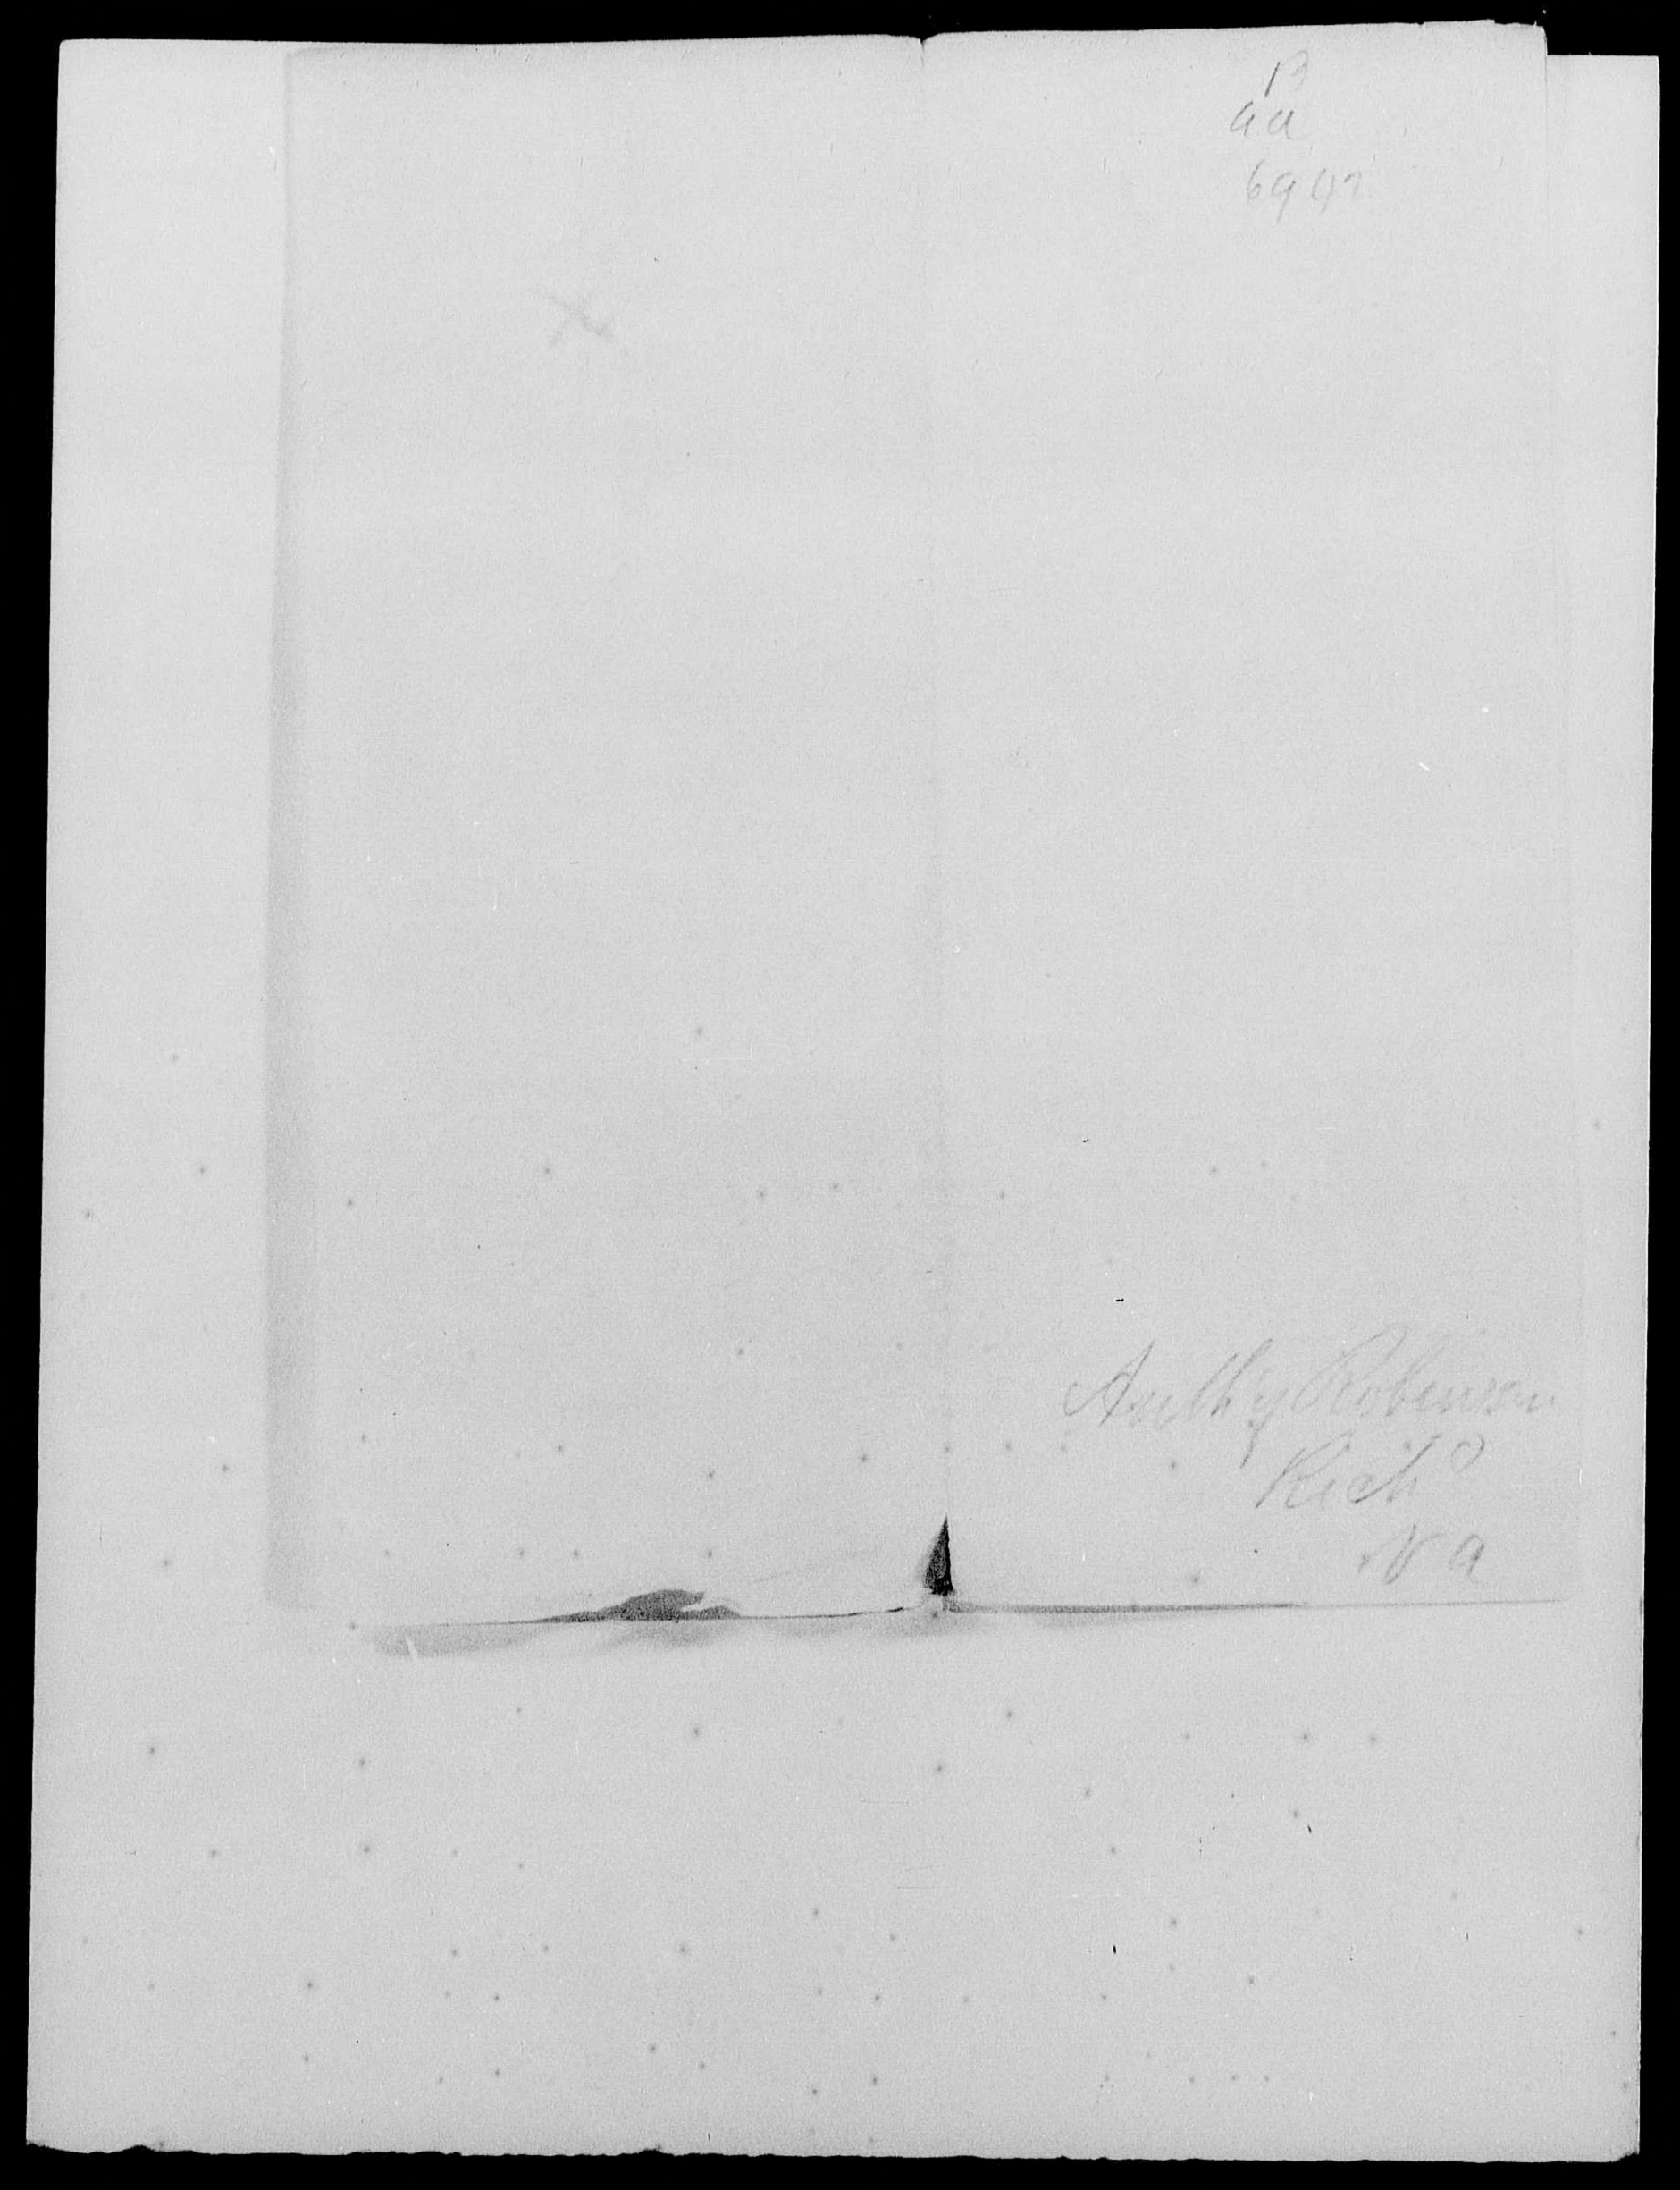[Left Side] 
X

[Right Side]
13
4u
6947

Anthy Robinson
Rich 
Va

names: Anthy Robinson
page: 21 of 31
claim: widow's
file: W. 3759, John Bryan, Va.